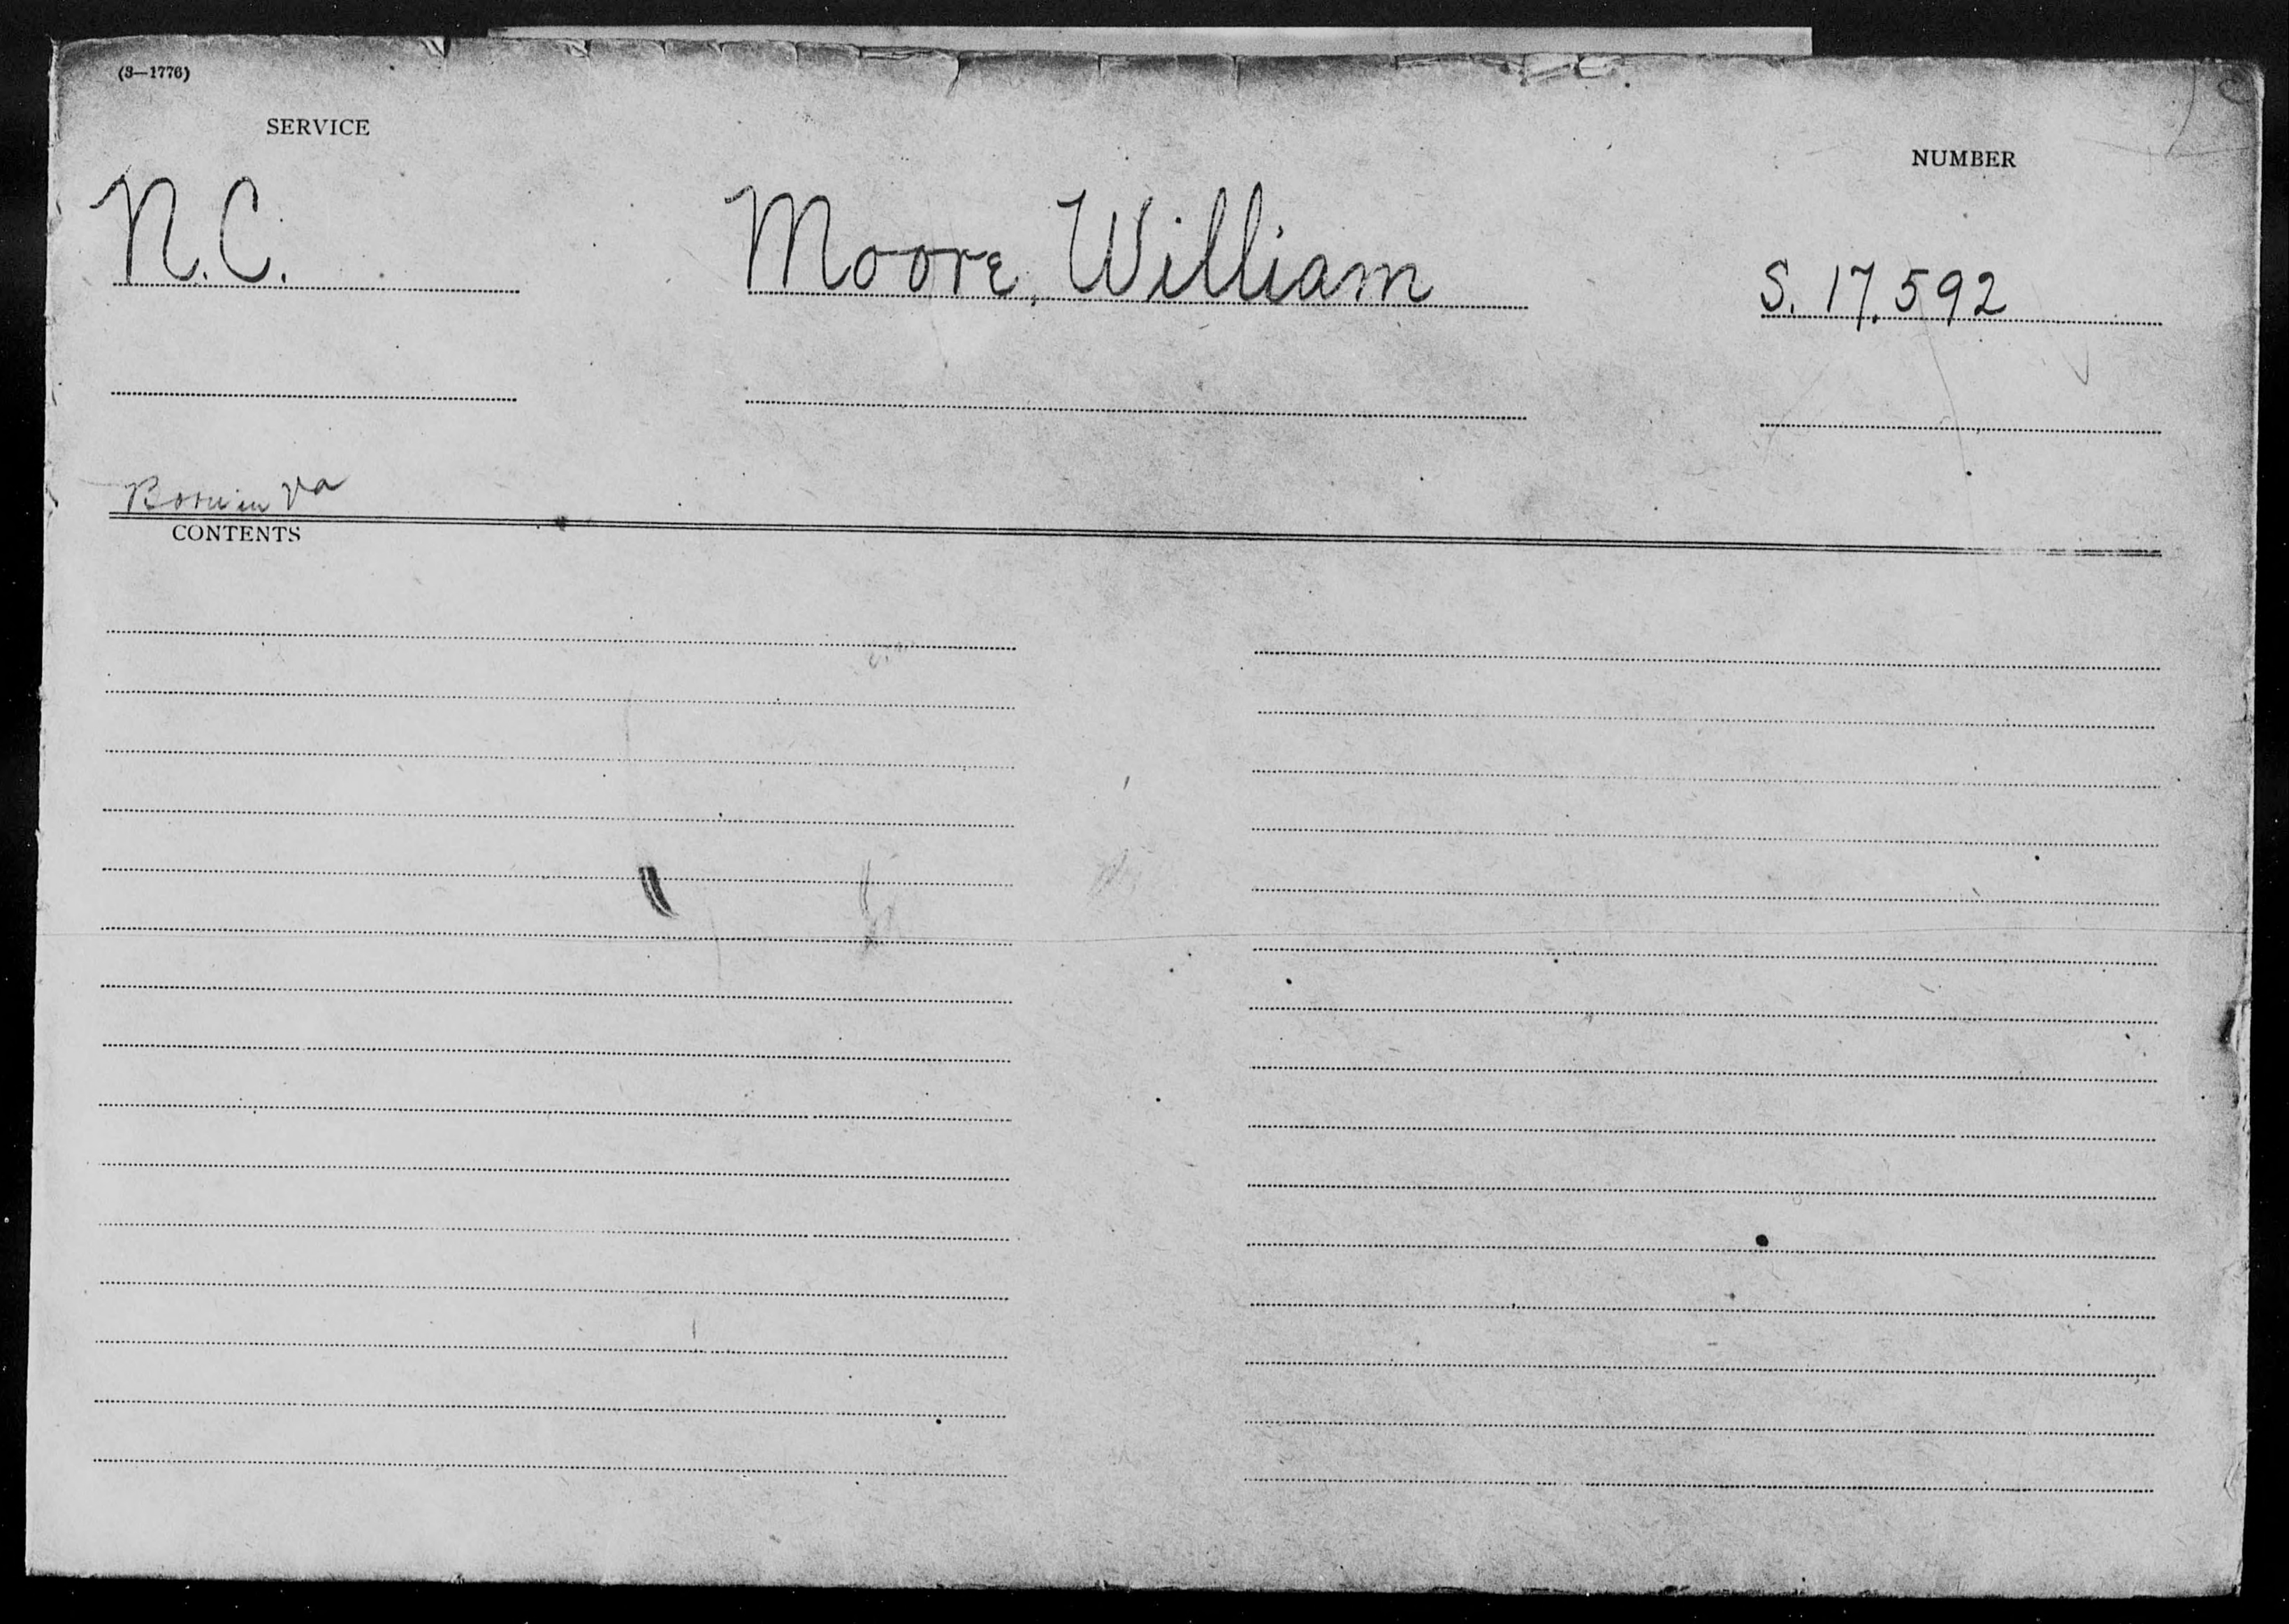SERVICE
N.C.

Moore, William

NUMBER S.17592

Born in Va
CONTENTS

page: 1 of 16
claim: survivor's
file: S. 17,592, for William Moore, North Carolina